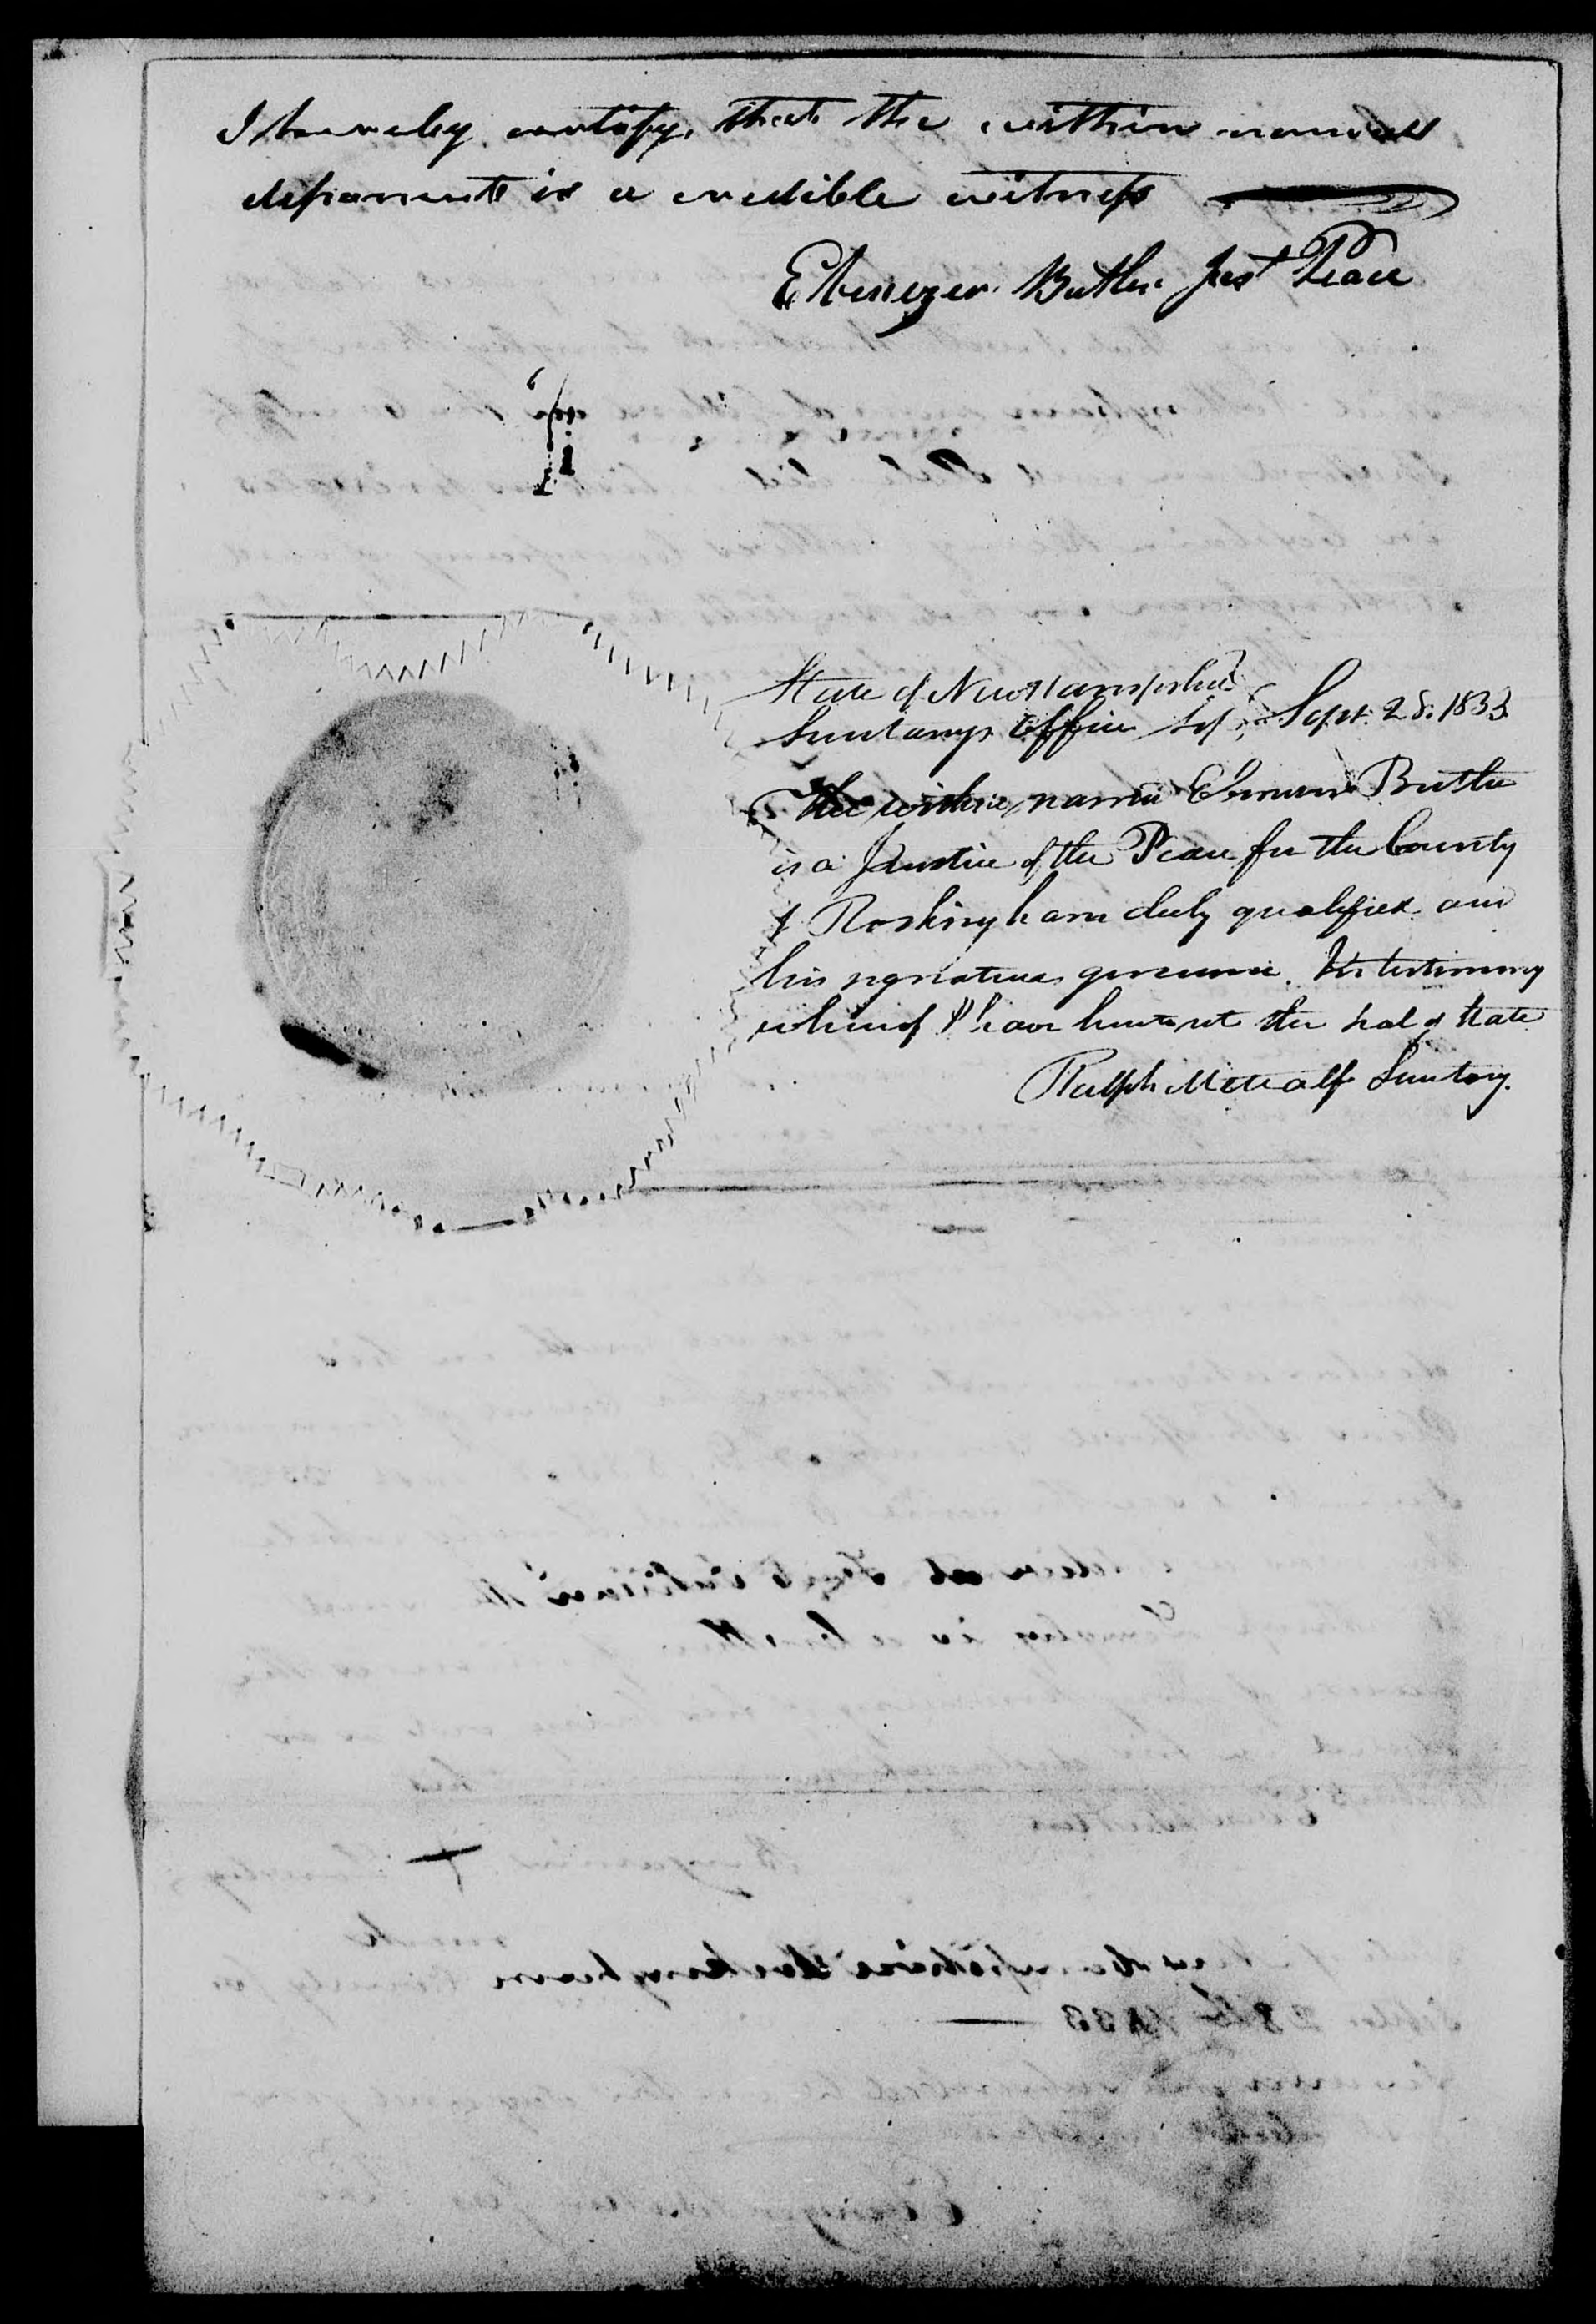I hereby certify that the within names deponent is a credible witness.

Ebeneezer Butler, Just Peace

State of New Hampshire
Secretary's Office

Sept 28 1833

The within named Ebeneezer Butler is a Justice of the Peace for the County of Rockingham and is duly qualified and his signature genuine.  In testimony whereof I have hereunto set the seal of State

Ralph Metcalf, Secretary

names: Ebenezer Butler; Ralph Metcalf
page: 4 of 7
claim: survivor's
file: S. 22874, for Winthrop Langley, New Hampshire